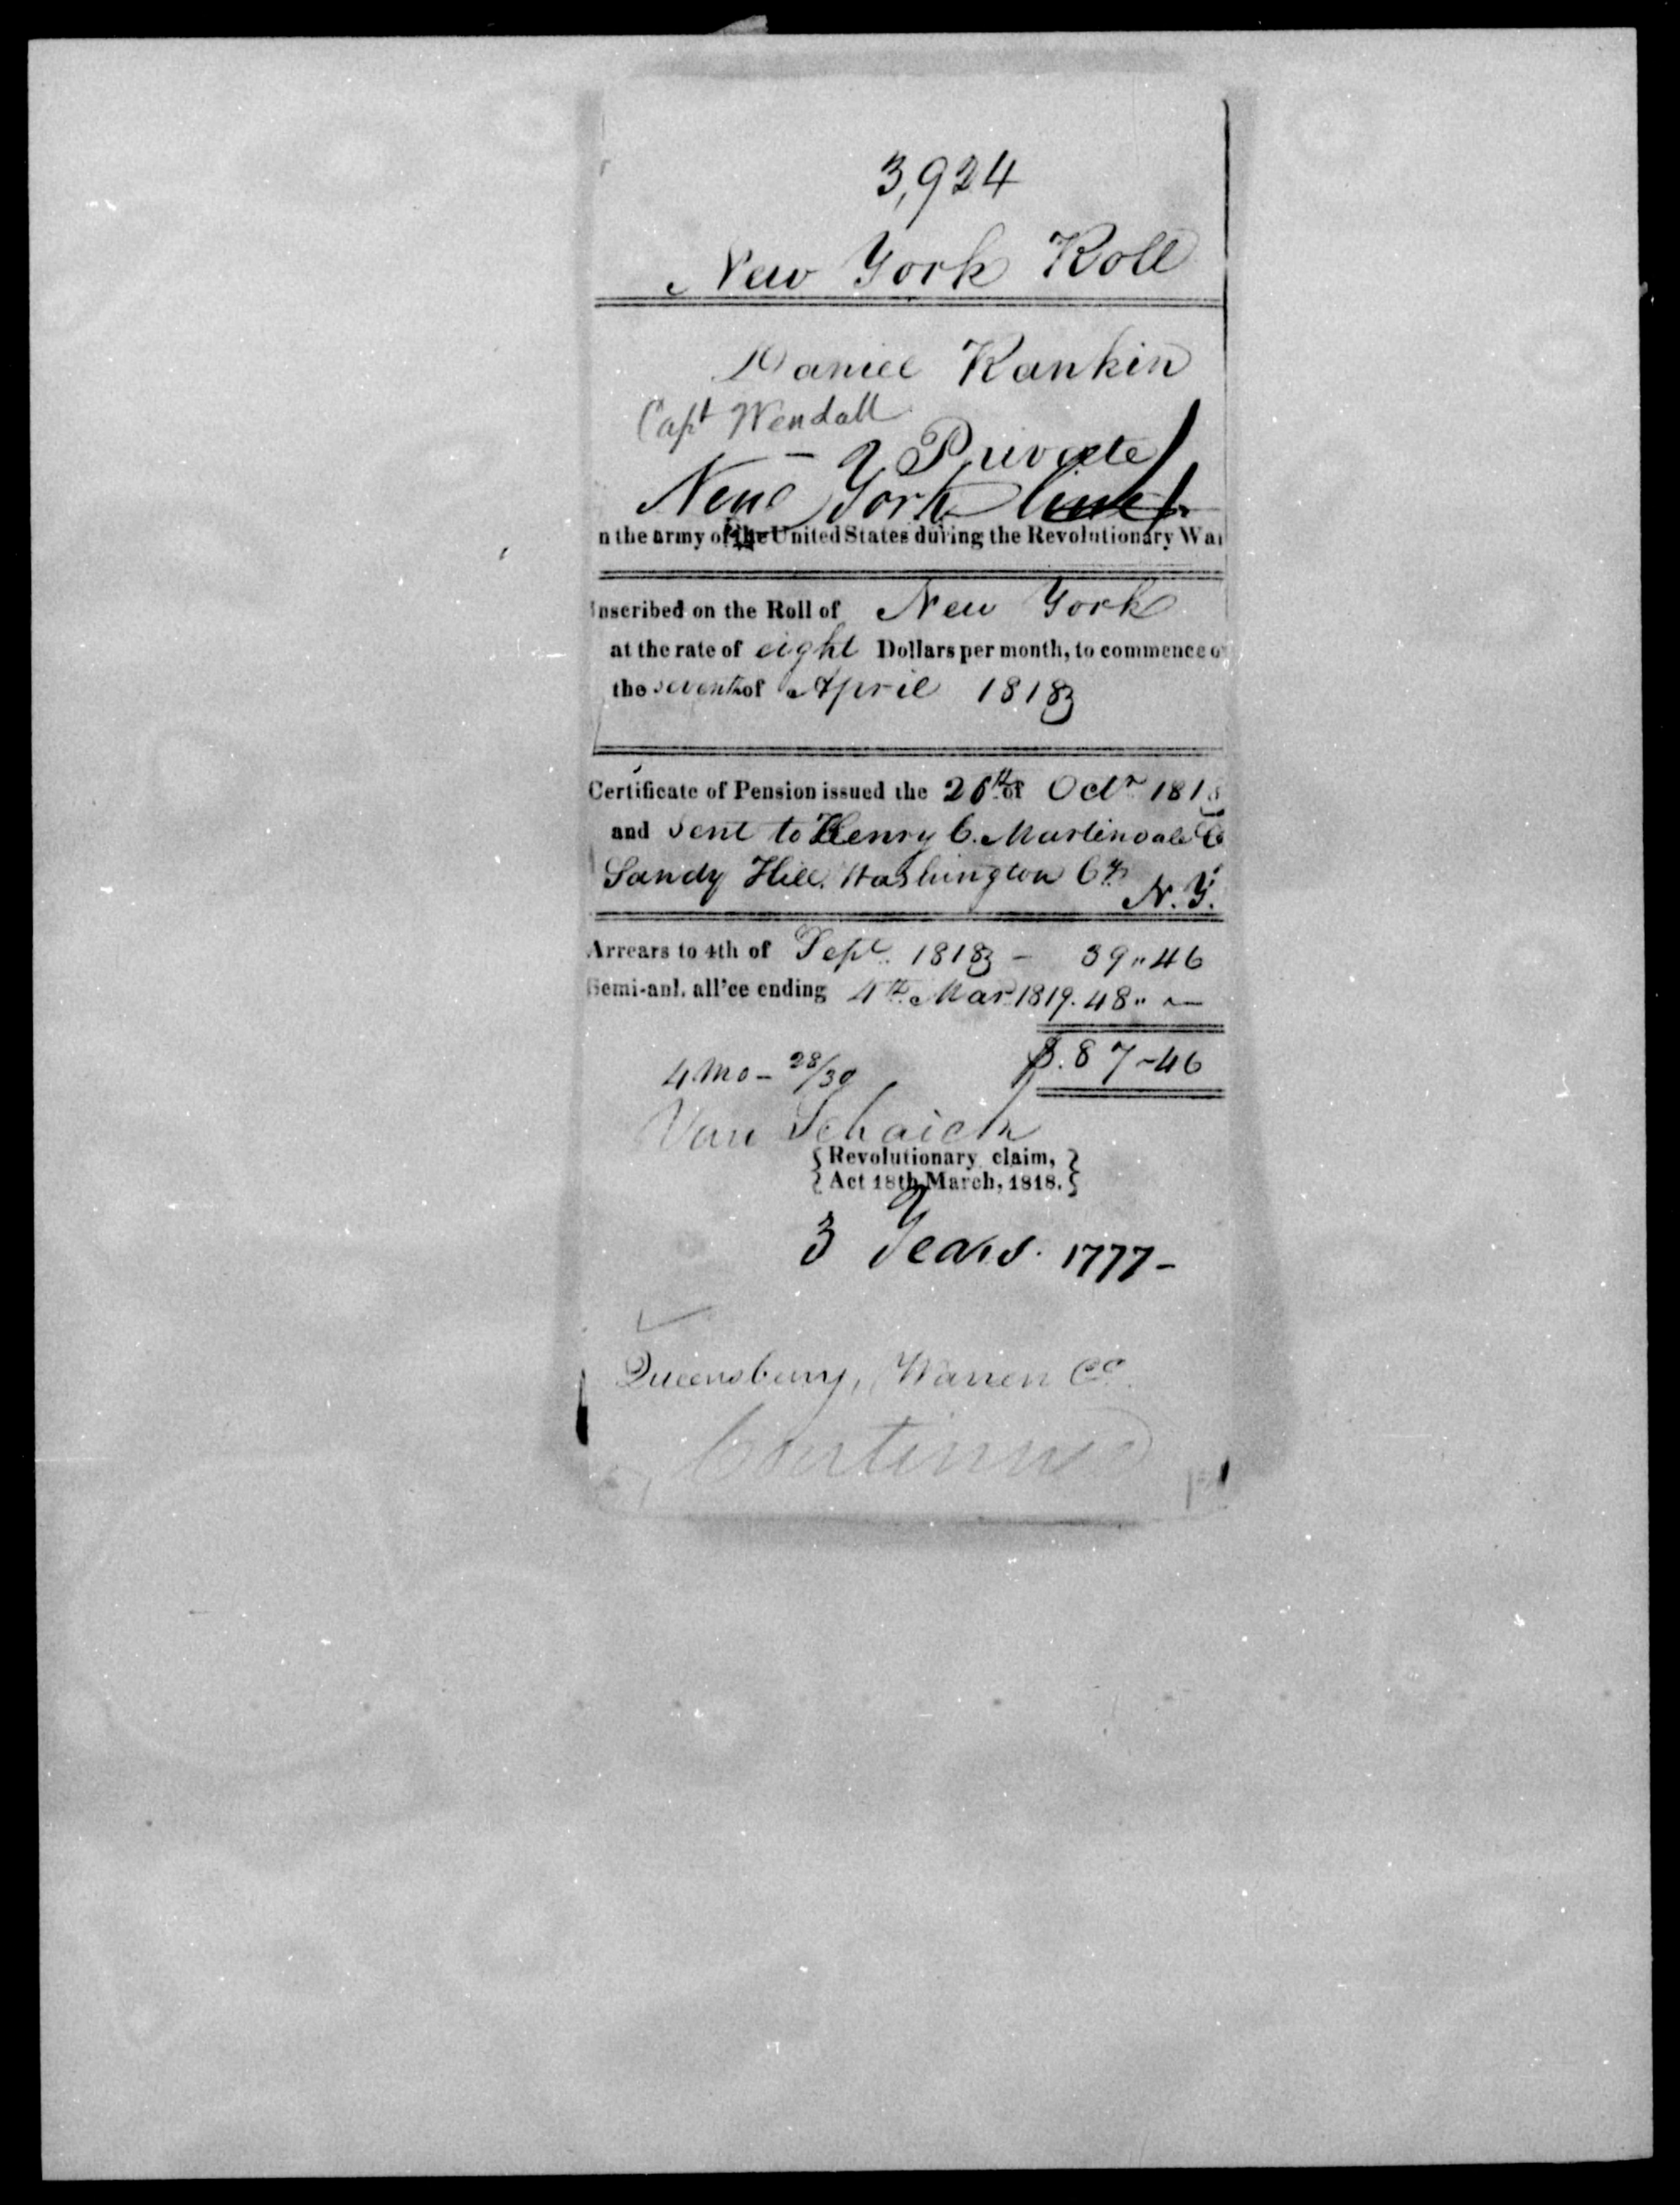3,924
New York Roll
Daniel Rankin
Capt Wendall
Private
New York line
in the army of the United States during the Revolutionary War

Inscribed on the Roll of New York at the rate of eight Dollars per month, to commence the seventh of April 1818

Certificate of Pension issued the 26th of Octr 1818 and sent to Henry C. Martindale Esq Sandy Hill, Washington Cy. N. Y.

Arrears to 4th of Sept 1818 - 39.46
Semi=anl. all'ce ending 4th Mar 1819. 48.--
$87.46
4 mo - 28/30
Van Schaick

Revolutionary claim, Act 18th March, 1818.

3 years 1777 - 
Queensbury, Warren Co
Continued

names: [BLANK] Van Schaick; Daniel Rankin; Henry C Martindale; [BLANK] Wendall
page: 2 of 27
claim: survivor's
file: S. 43897, for Daniel Rankin, New York